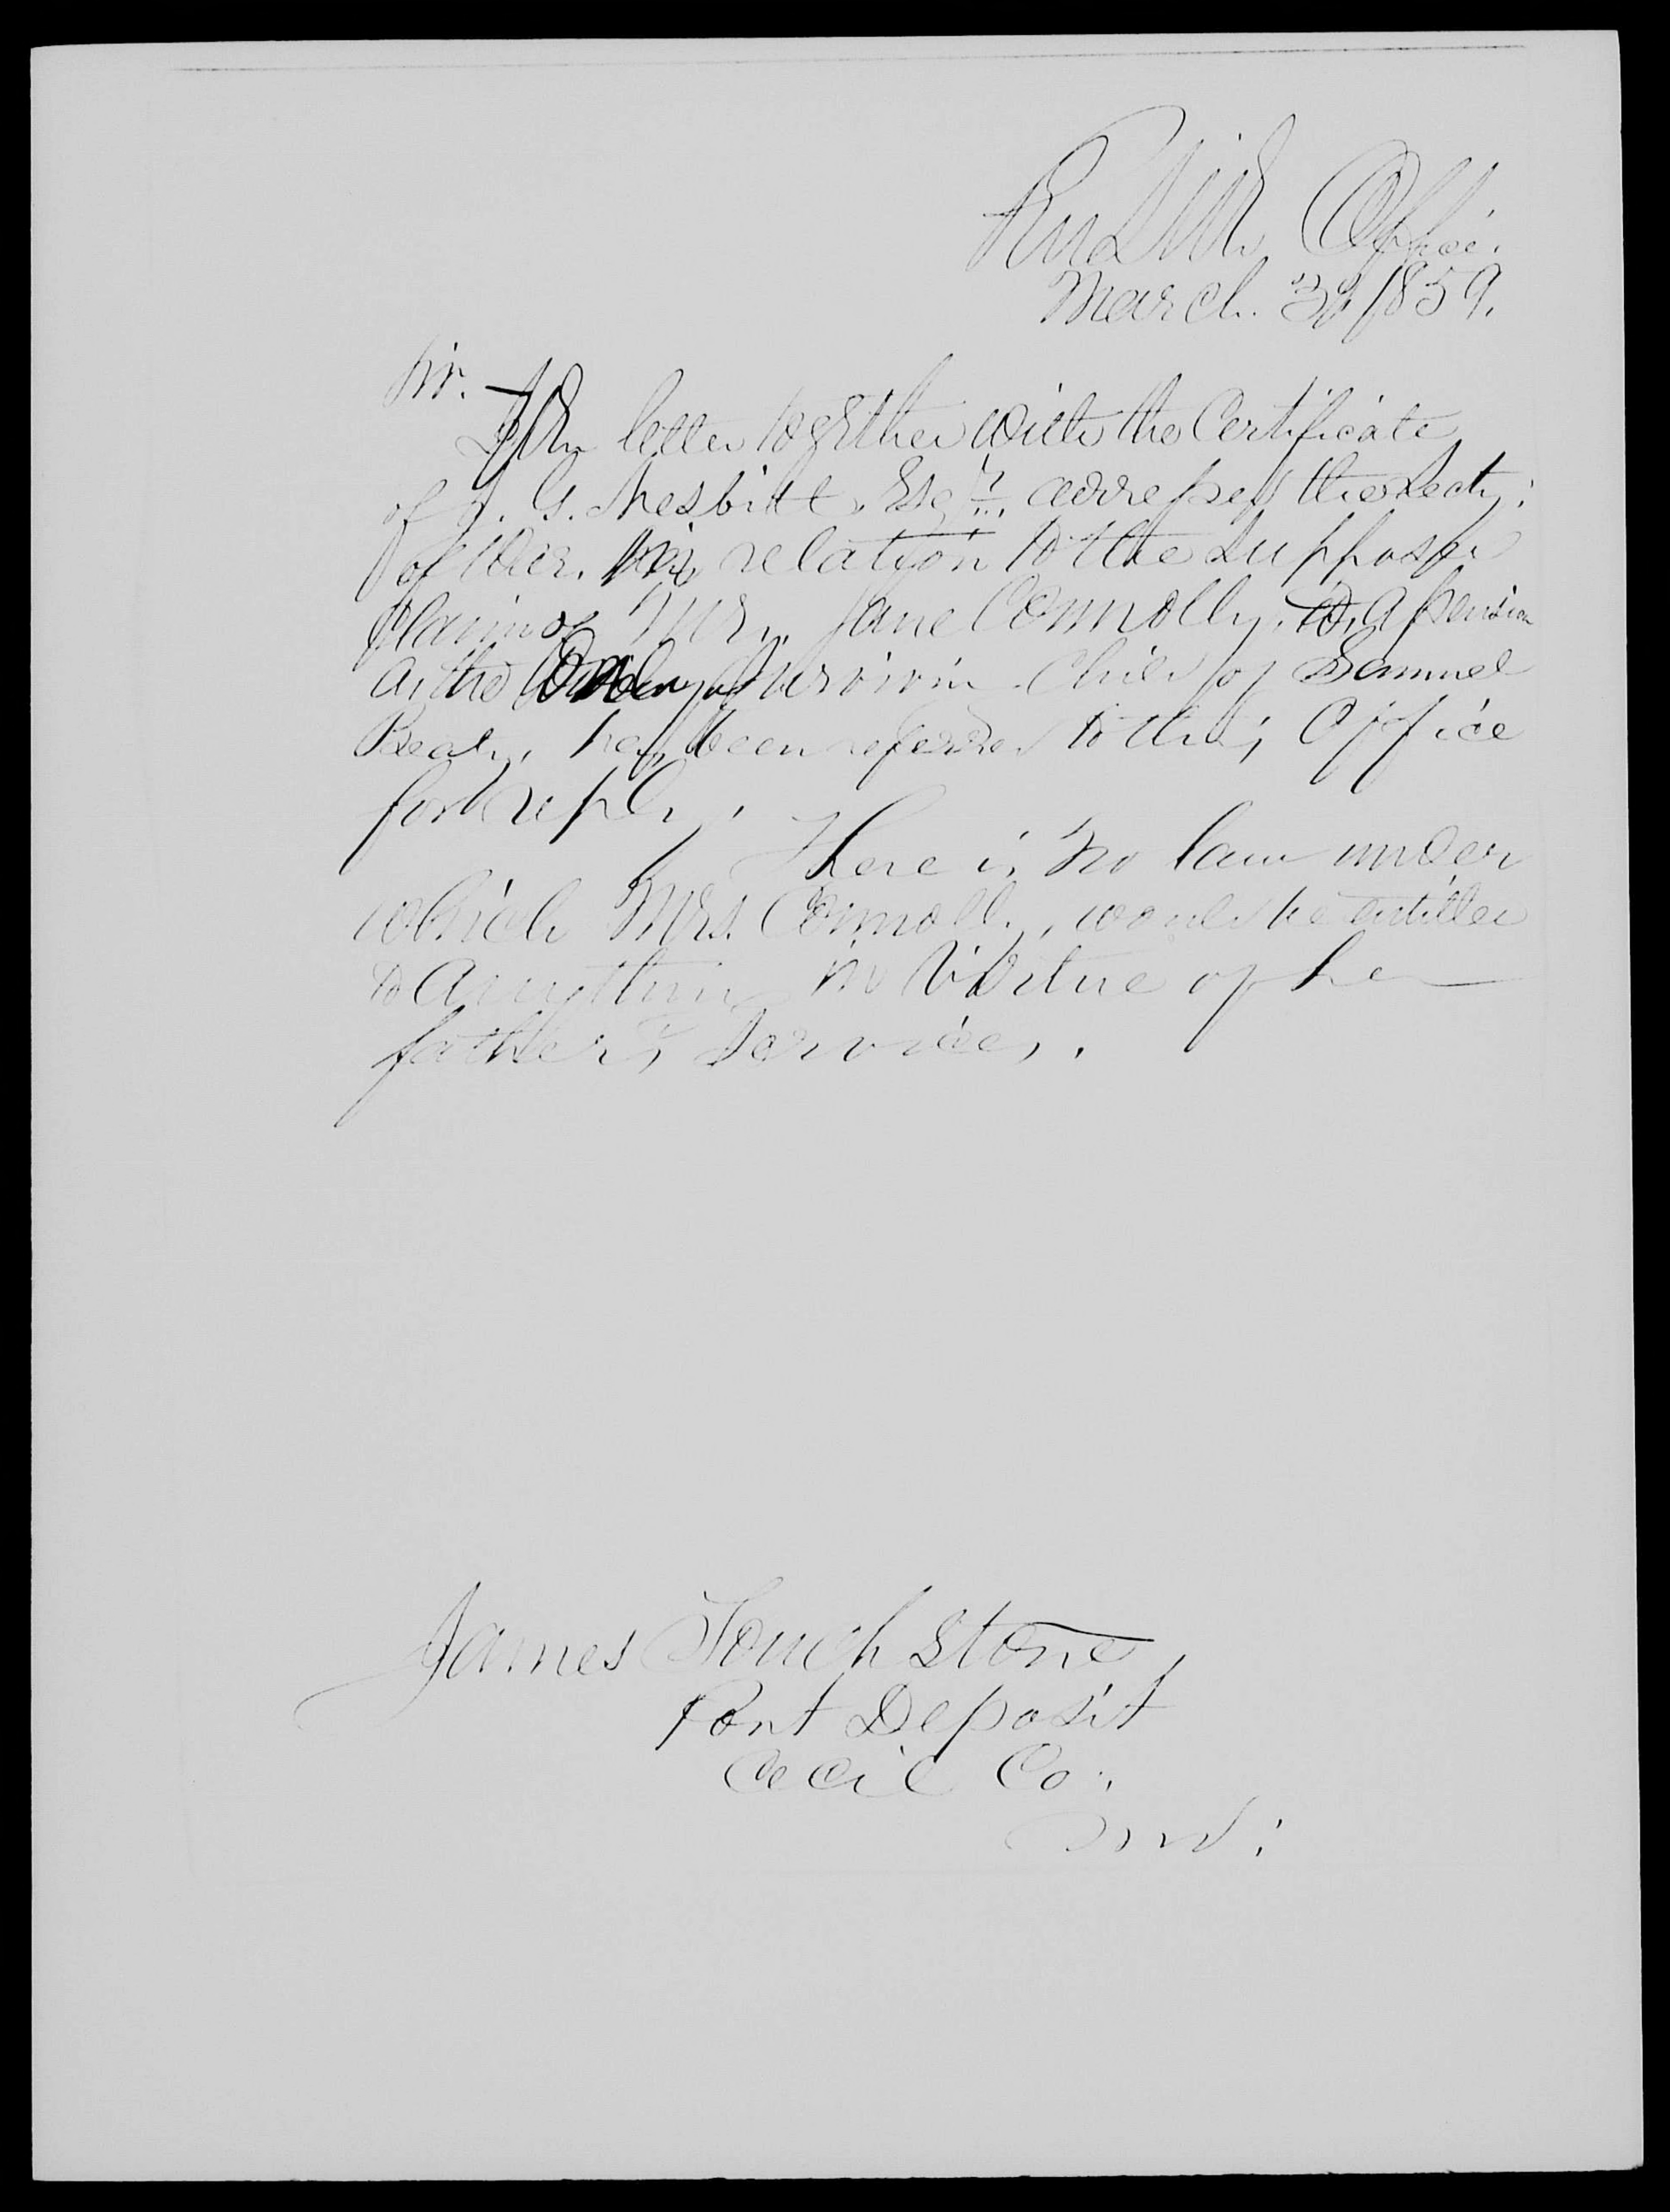[illegible] Office
March. 3rd 1859.
Sir.
My letter together with the Certificate of J.G. Nesbitt " [illegible] adressed the Secty: of War.  In relation to the Supposed Claim of Mrs. Jane Connolly. to a pension as the surviving child of Samuel Beaty. he been referred to this Office for reply.
     There is no law under which Mrs. Connally would be entitled to anything .  in virtue of her father's Services.

James Touchstone
Fort Deposit
Cecil Co.
Md:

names: Samuel Beaty, James Touchstone, J G Nesbitt, Connolly, John Connolly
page: 16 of 31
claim: survivor's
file: S. 34646, Samuel Beaty, Penn.